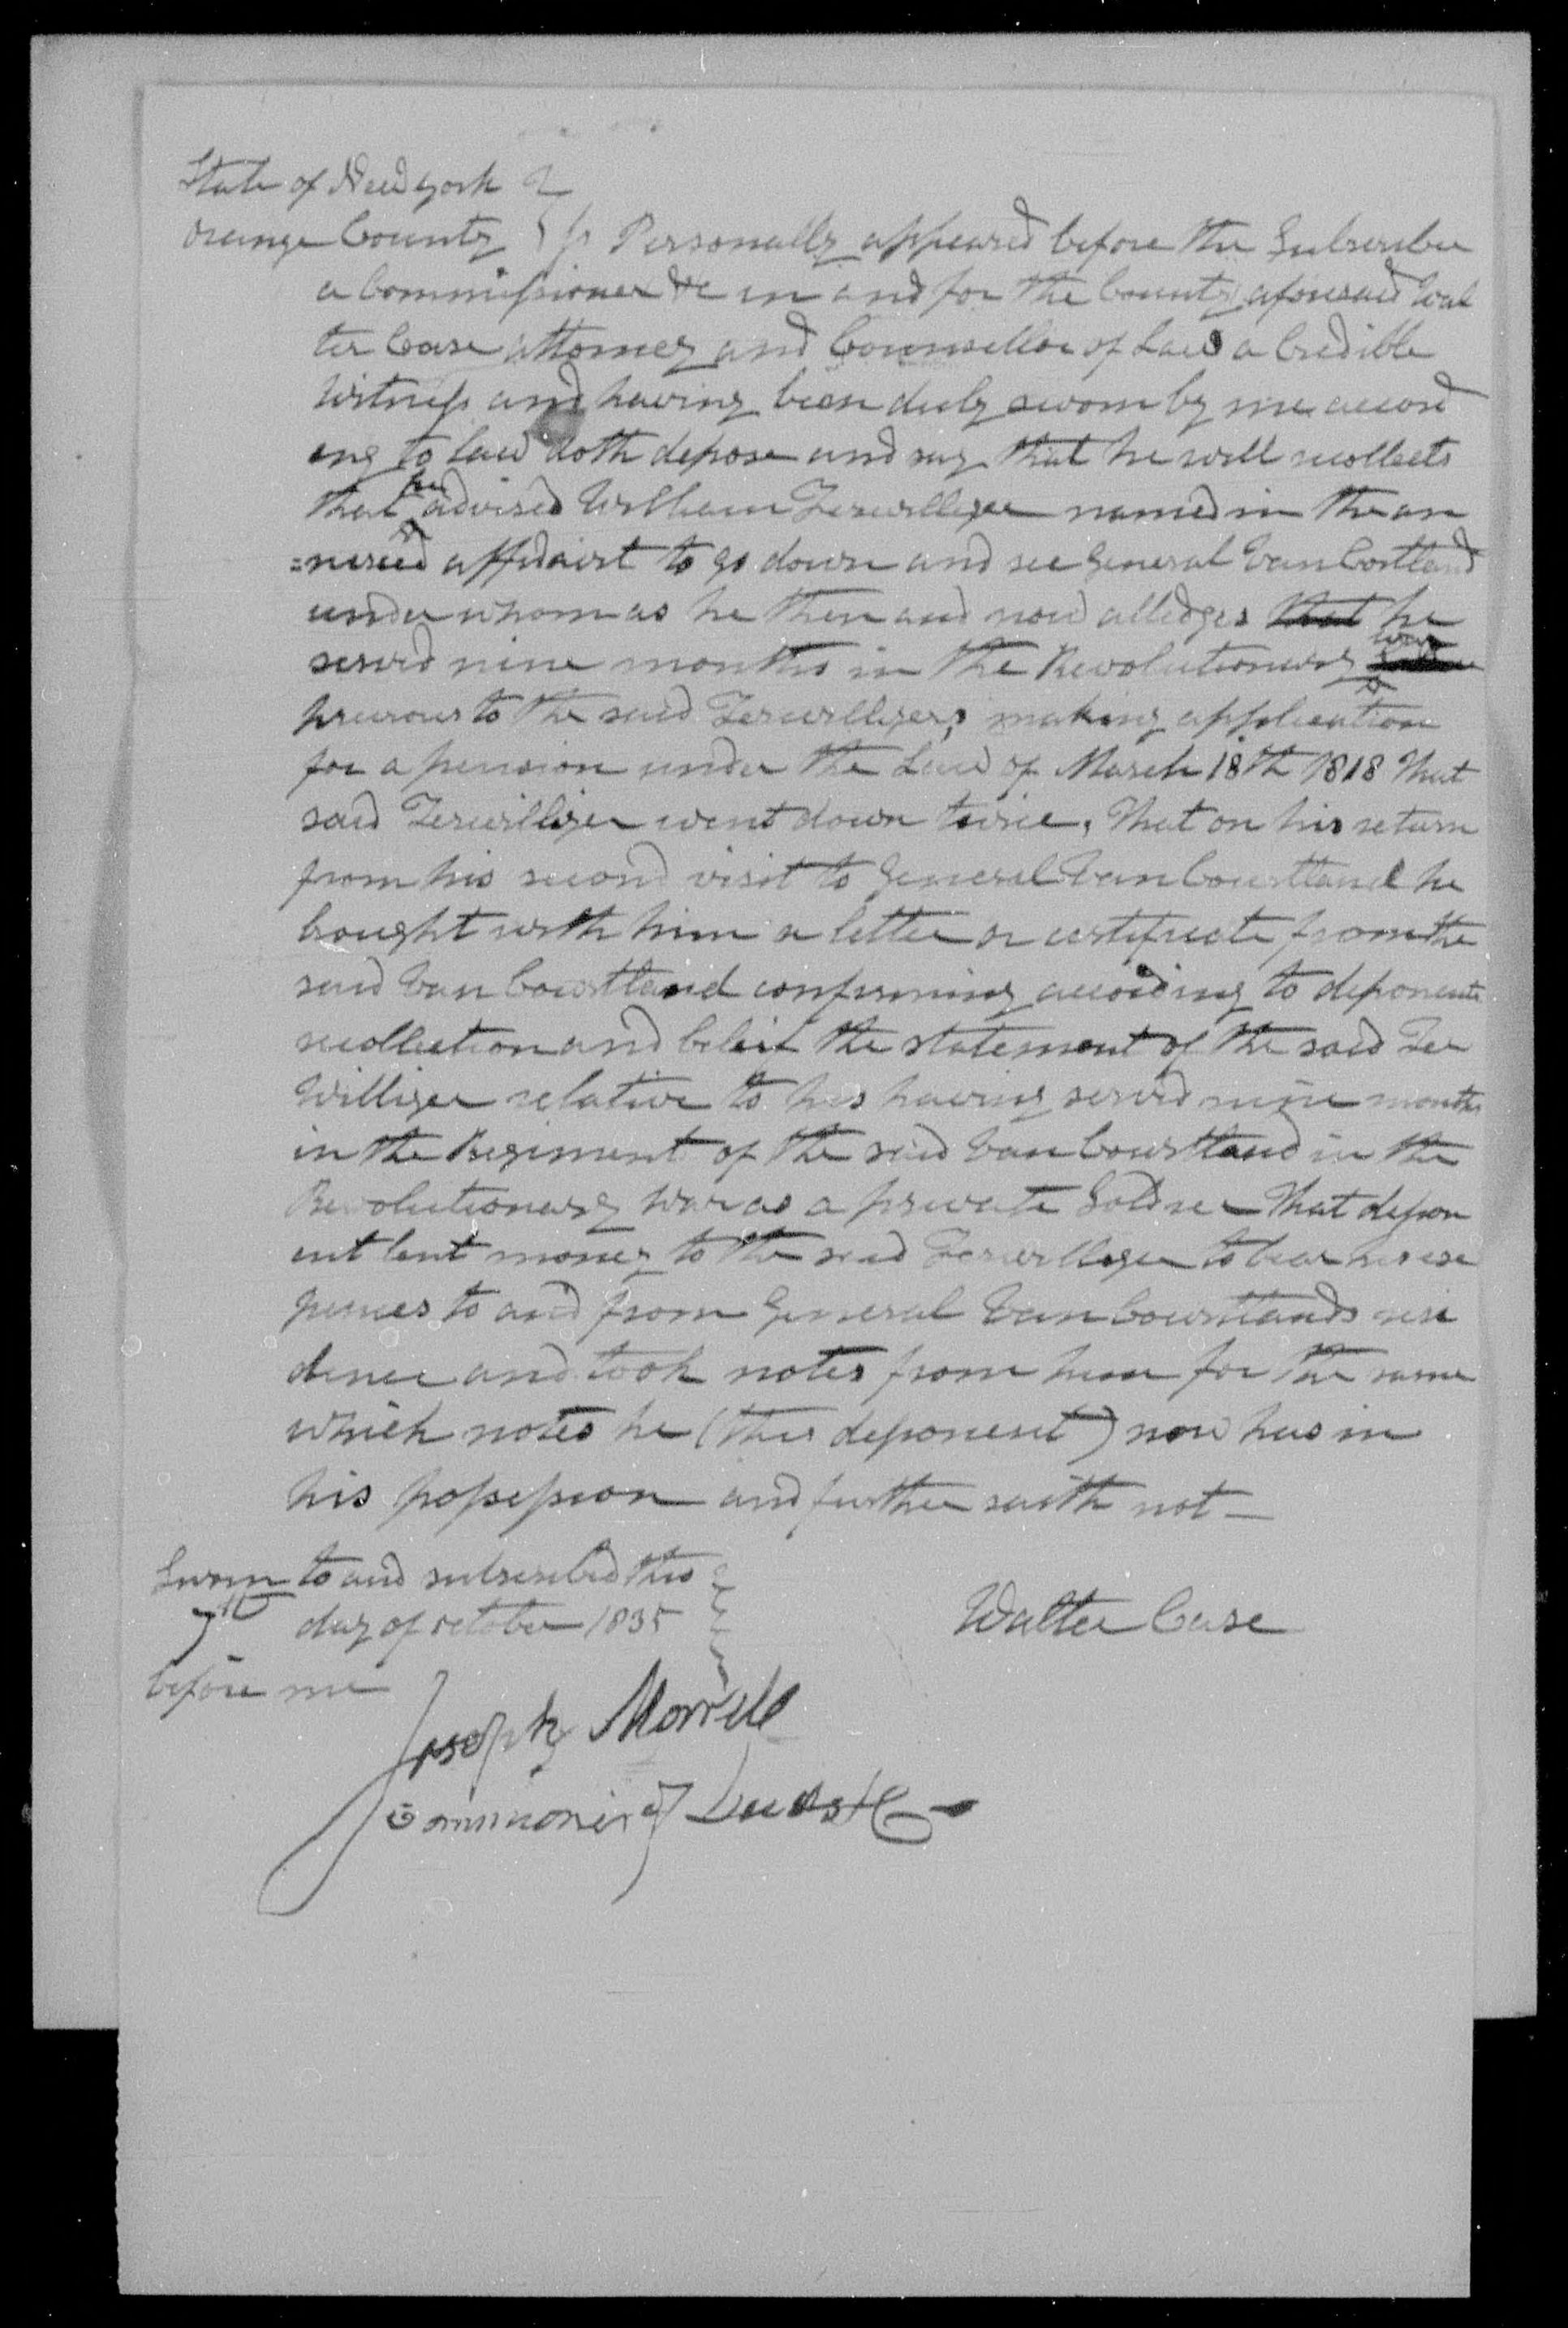State of New York
Orange County 
 Personally appeared before the Subscriber
a Commissioner  in and for the County aforesaid was case attorney and Counsellor of Law a credible
Witness and having been duly sworn by me according to law doth depose and say that he well recollects
that he advised William Terwilliger named in the annexed affidavit to go down and see General Van Cortland
under whom as he then and now alledges that he
served nine months in the Revolutionary war
previous to the said Terwilligers making application
for a pension under the Law of March 18th 1818 That
said Terwilliger went down twice, That on his return
from his second visit to General Van Courtland he
brought with him a letter or certificate from the
said Van Courtland confirming according to deponent
recollection and belief the statement of the said Terwilliger relative to his having served nine months
in the Regiment of the said Van Courtland in the
Revolutionary war as a private soldier that deponent lent money to the Terwilliger to bear her re
James to and from General Van Courtlands 
residence and took notes from him for the same
which notes he this deponent now has in
his possession and further saith not-
Walter Case

Sworn to and subscribed this
day of October 1835
before me

Joseph Morrell
Commissioner of Deeds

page: 63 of 64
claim: survivor's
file: S. 42,464, for William Terwilliger, New York